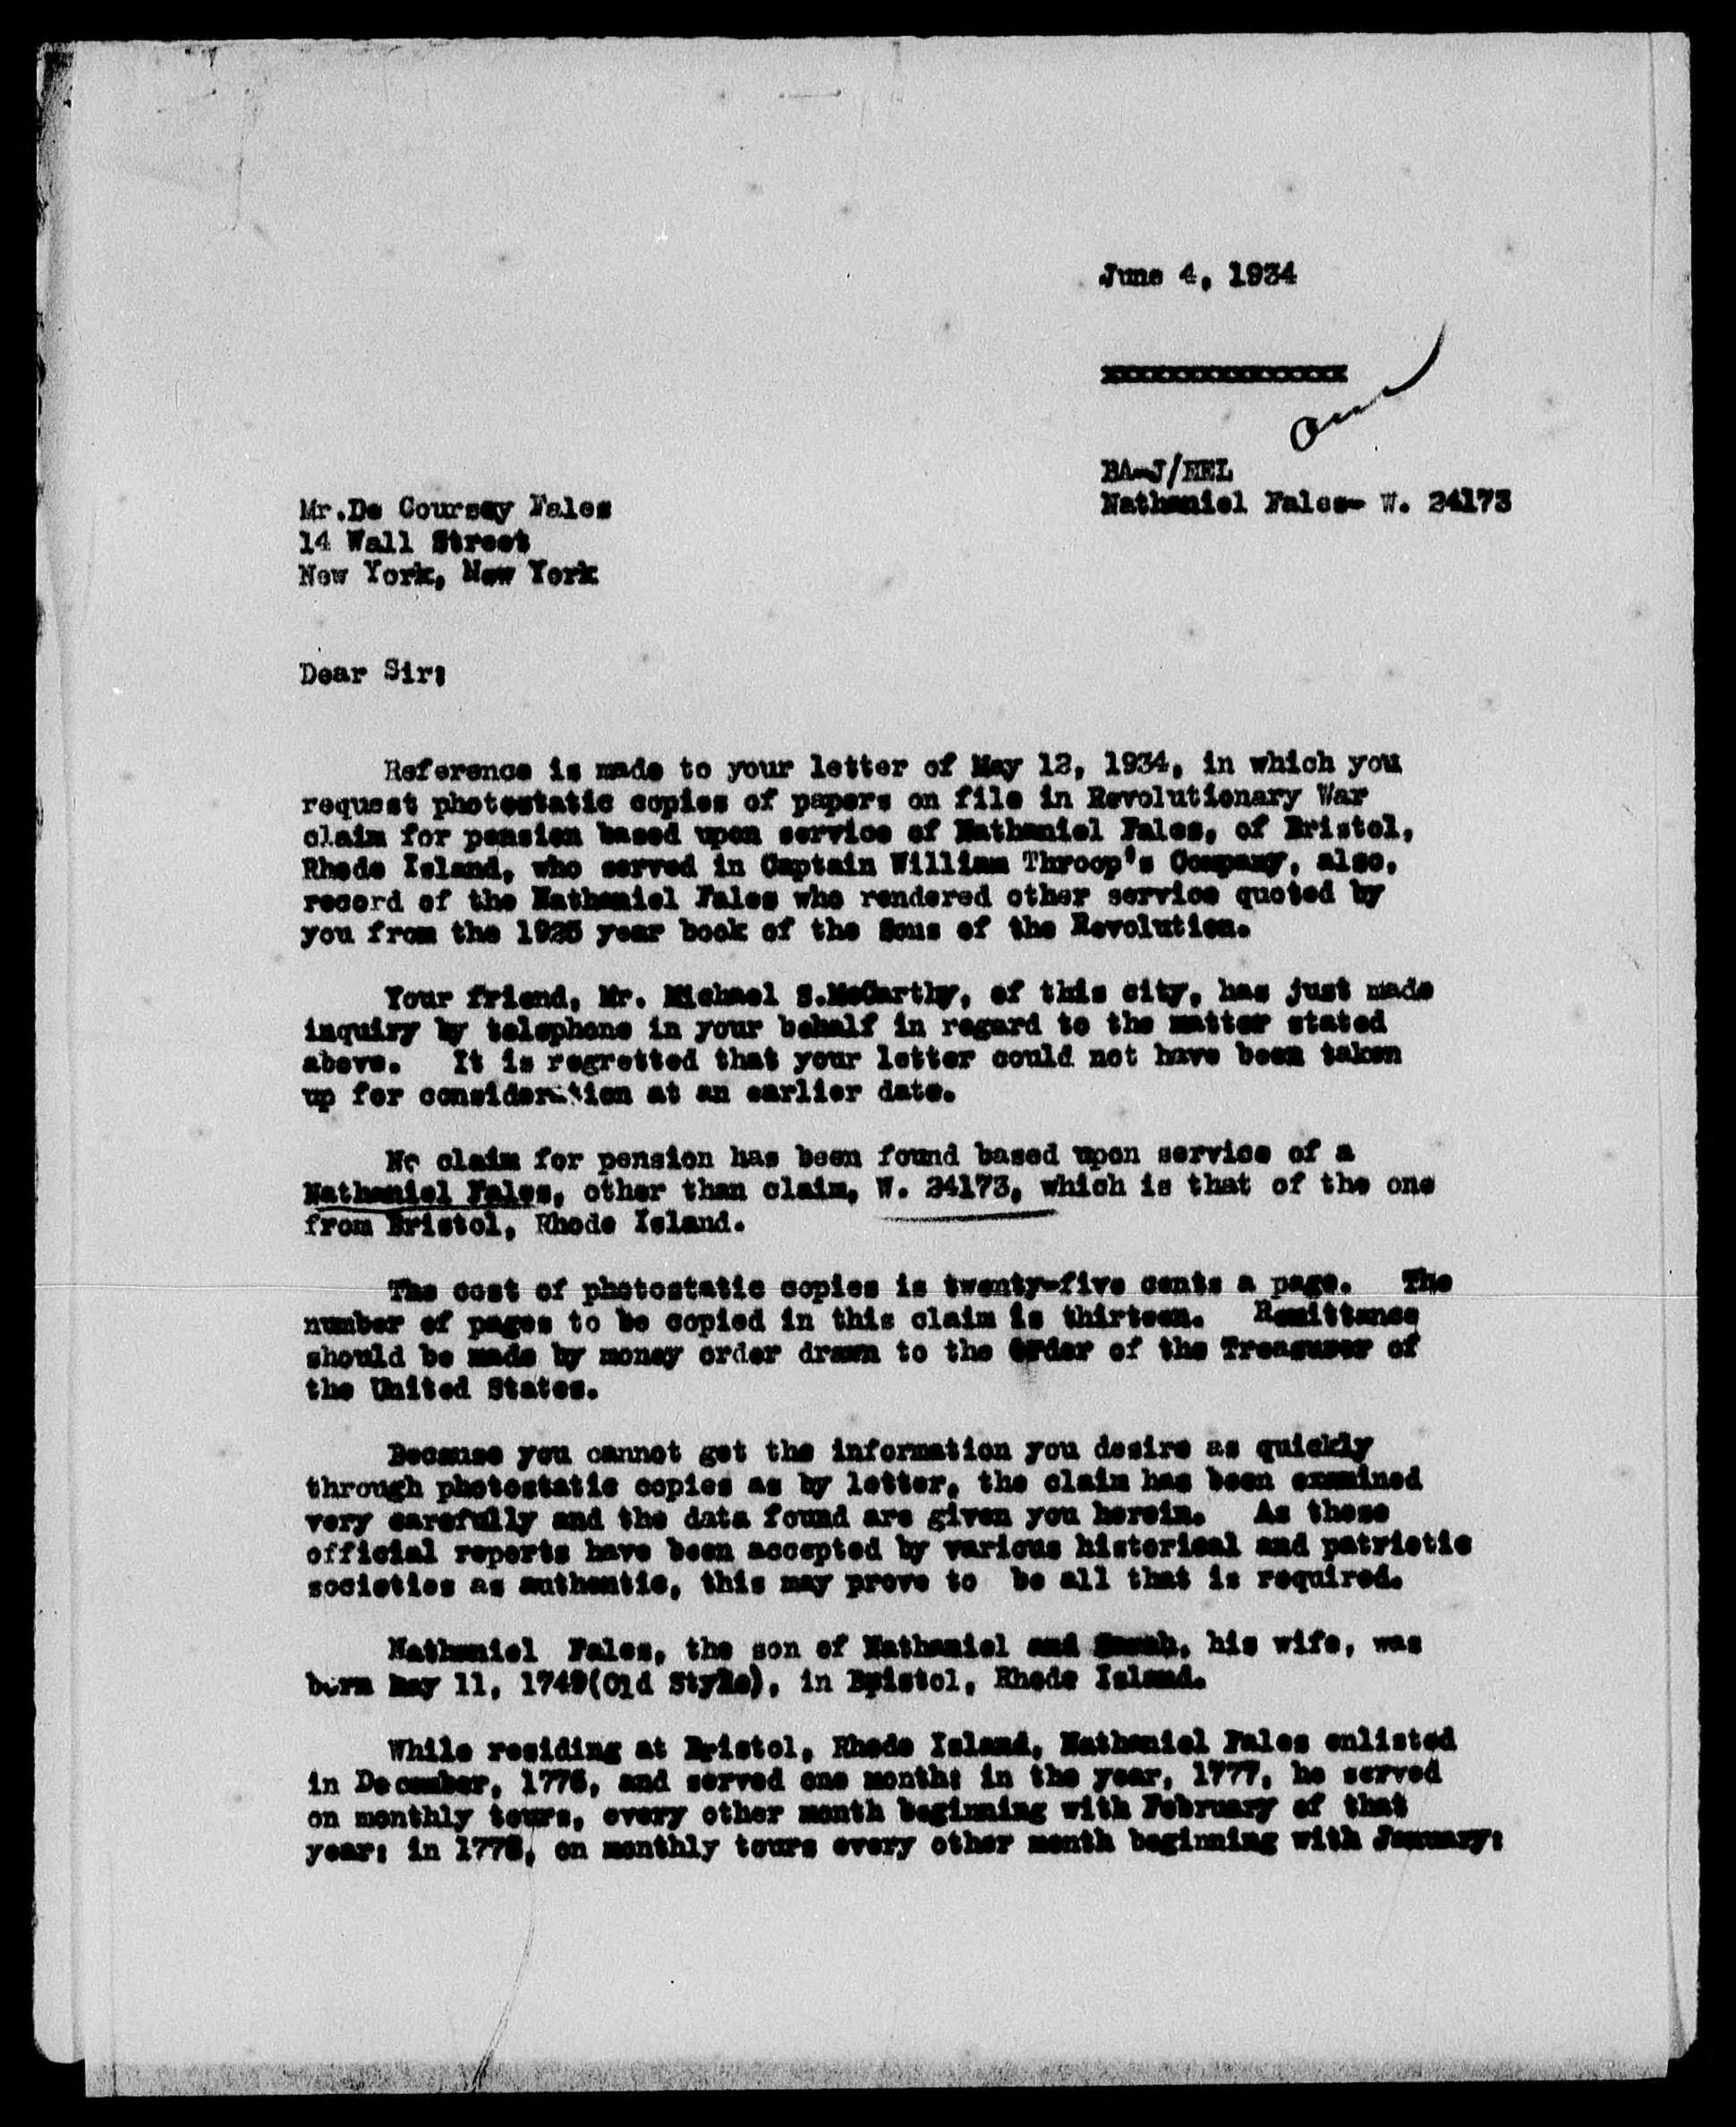June 4, 1934

XXXXXXXXXXXXXXXXXXX

Pen[?]

BA-J/EEL
Nathaniel Fales- W. 24173

Mr. De Coursey Fales
14 Wall Street
New York, New York

Dear Sir:

reference is made to your letter of May 12, 1934, in which you request photostatic copies of papers on file in Revolutionary War claim for pension based upon service of Nathaniel Fales, of Bristol, Rhode Island, who served in Captain William Throop's Company , also, record of the Nathaniel Fales who rendered other service quoted by you from the 1925 year book of the Sons of the Revolution.

Your friend, Mr. Michael S. McCarthy, of this city, has just made inquiry by telephone in your behalf in regard to the matter stated above. It is regretted that your letter could not have been taken up for consideration at an earlier date.

No claim for pension has been found based upon service of a Nathaniel Fales, [name underlined] other than claim, W. 24173, which is that of the one from Bristol, Rhode Island.

The cost of photostatic copies is twenty-five cents a page. The number of pages to be copied in this claim is thirteen. Remittance should be made by money order drawn to the Order of the Treasurer of the United States.

Because you cannot get the information you desire as quickly through photostatic copies as by letter, the claim has been examined very carefully and the data found are given you herein. As these official reports have been accepted by various historical and patriotic societies as authentic, this may prove to be all that is required.

Nathaniel Fales, the son of Nathaniel and Sarah, his wife was born May 11, 1749(Old Style), in Bristol, Rhode Island.

While residing at Bristol, Rhode Island, Nathaniel Fales enlisted in December, 1776, and served one month: in the year, 1777, he served on monthly tours, every other month beginning with February of that year: in 1778, on monthly tours every other month beginning with January:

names: De Coursey Fales, Michael S Mc Carthy, Nathaniel Fales, Sarah, Nathaniel Fales, Nathaniel Fales, Nathaniel Fales, Nathaniel, Nathaniel Fales, Nathaniel Fales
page: 17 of 32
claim: widow's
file: W. 24,173, Nathaniel Fales, R.I.